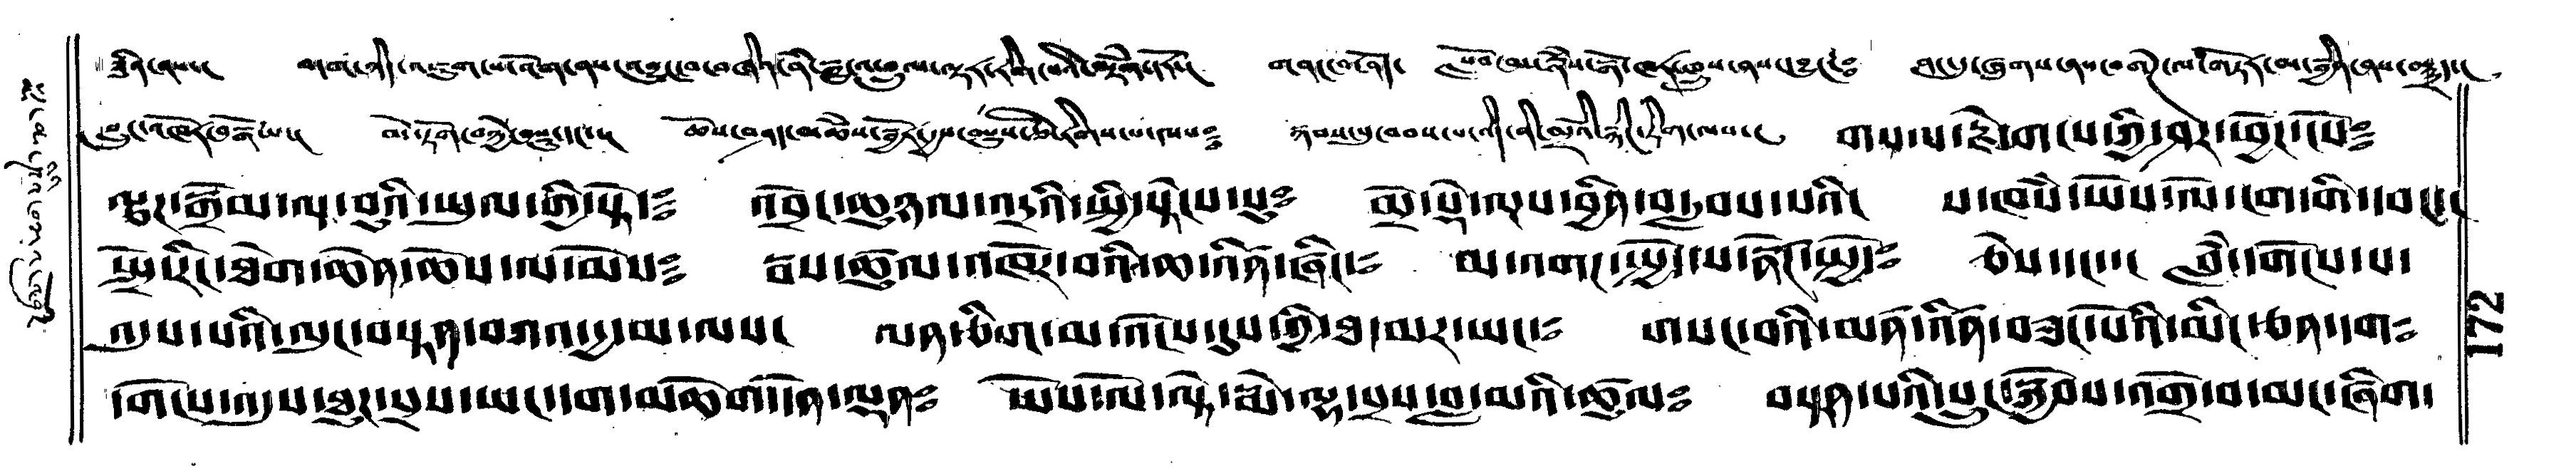ཟིན་ནས། བདག་ཉིད་འཇུག་པ་འོག་ནས་འབྱུང་བ་བཞིན་ནམ་སྒྱུ་འཕྲུལ་ལྟར་རིག་པའི་མེ་ཏོག་དོར། གནང་བཞོད། སློབ་མ་རྣམས་སྒོ་ཁར་ཁྲུས་ནས་དབྱུངཿ ནང་དུ་ཞུགས་ནས་བགེགས་ལ་གཏོར་མ་སྦྱིན་ནས་བསྐྲ་། 
སྲུང་འཁོར་སྒོམས། མེ་ཏོག་བཀྱེ་བསྡུ་དང་། ཆོས་བཤད་མཚམས་སྦྱོར་རྒྱས་བསྡུས་ཅི་རིགས་པ་ལས། སྐབས་སུ་བབས་པ་འདིར་ནི་མཁའ་འགྲཽའི་སྙིང་ཏིག་ལས། གསལ་རྗེ་གངས་ཀྱི་ཤར་ཕྱོགས་སུ༔ 
ལྕགས་སྒྲོམ་ལྟ་བུའི་ཡུལ་གྱི་སྟོད༔ འབྲོང་བུ་མཉལ་འདྲའི་དཔྱི་སྟེངས་སུ༔ མཁའ་འགྲོ་སྡེ་ལྔས་བྱིན་བརླབས་པའི༔ ས་ཁམས་ཡོས་ལོ་ངག་གི་དབང༔
སྤྲོ་རིང་ཐེག་ཆེན་ཆོས་ལ་མོས༔ སྦས་ཚུལ་འཁོར་བའི་ཆ་འཛིན་ཞིང༔ མ་འགགས་སྤྱོད་པ་སྣ་ཚོགས་སྤྱོདཿ ཅེས་དང་། བླ་མ་དགོངས་པ་
འདུས་པའི་ལུང་བསྟན་བཀའ་རྒྱ་མ་ལས། ལན་ཅིག་མ་འོངས་དུས་ཀྱི་ཐ་མར་ཡང༔ གསང་བའི་མཚན་འཛིན་བཟང་པོའི་མིང་ཅན་དག༔ 
དགོངས་འདུས་ཐུགས་སྲས་ཡང་དག་མཆོག་དོན་ལྡན༔ ཡོས་ལོ་ལྟེ་སྨེ་ལྷ་སྲས་བླ་མའི་ཚུལ༔ བསྟན་པ་བསྲུང་སྐྱོབ་འགྲོ་བ་མང་ཞིག་